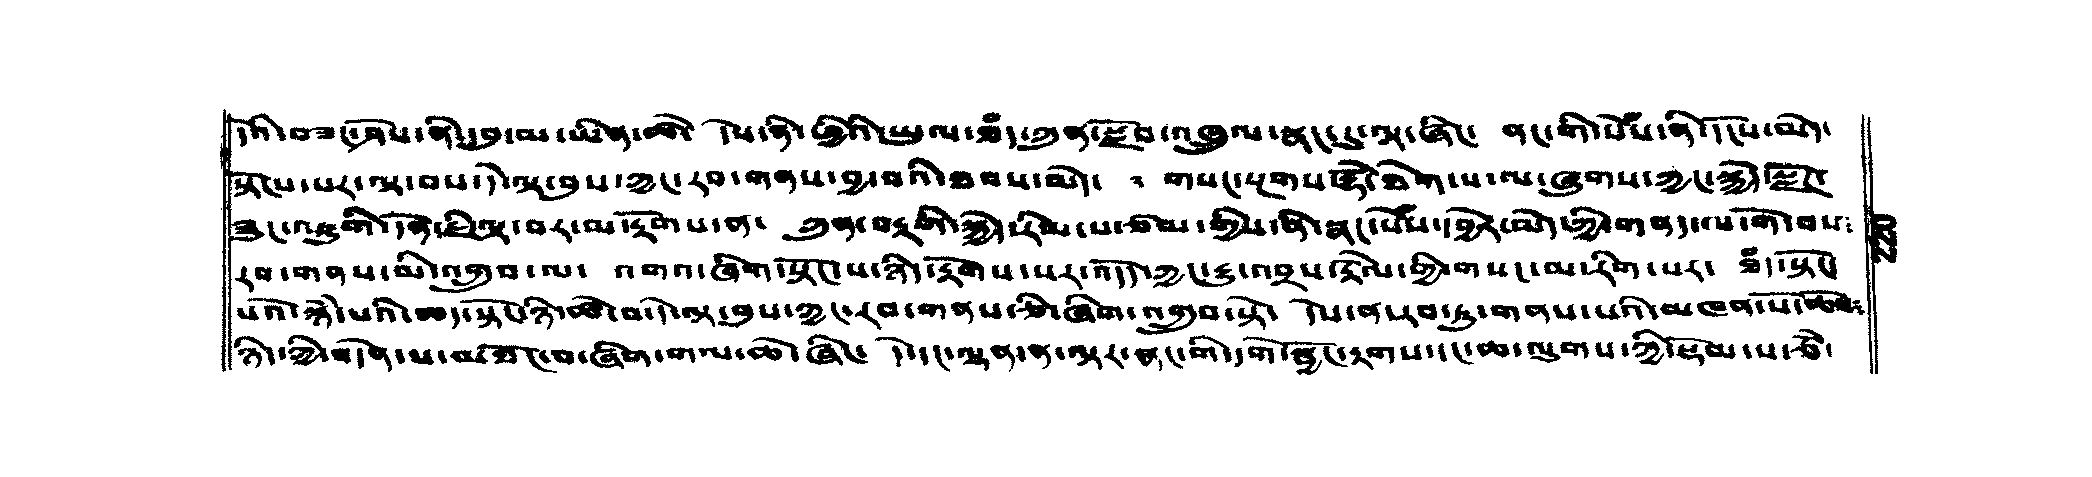དེའི་བཟང་ཤེས་ནི་དབུ་མ་ཡིན་ཚེ་ དེས་ནི་ཕྱོགས་ཡུལ་ཐམས་ཅད་ཀུན་ཪྫོགས་འཁྲུལ་སྣང་དུ་ལྟ་ཞིང་ ནང་གི་སེམས་ནི་དངོས་མེད་
སྟོངས་པར་ལྟ་བས་དེ་ལྟ་བུས་ཀྱང་རབ་གནས་བྱ་བའི་ཐབས་མེད་ གསང་སྔགས་རྟོགས་ཐེག་པ་ལ་ཞུགས་ཀྱང་སྐྱེད་རྫོགས་
ཟུང་འཇུག་གི་དོན་ཇི་ལྟར་བར་རྟོགས་ན་ ཀུན་བརྟག་གི་སྐྱེད་རིམ་པ་ཙམ་གྱིས་ནི་སྣང་པས་དབྱེར་མེད་ཀྱི་གནད་དགེ་བས་
རབ་གནས་མི་འགྲུབ་ལ་ འགའ་ཞིག་སྟོང་པ་ཉིད་རྟོགས་པར་འདོད་ཀྱང་རྒྱུ་འབྲས་རྟོལ་གྱི་གསང་མ་རིག་པར་ ཐམས་ཅད་སྟོང་
པའི་སྙིང་པའི་ཆད་སྟོང་ཉིད་འཚོ་བ་དེ་ལྟར་བུས་ཀྱང་རབ་གནས་ཅི་ཞིག་འགྲུབ་སྟེ་ དེས་ན་རབ་ཏུ་གནས་པའི་མཁན་པོ་ཆོས་
ཉིད་ཀྱིས་བདེན་པ་མཐོང་བ་ཞིག་གལ་ཆེ་ཞིང་ དེ་དང་ལྷན་ན་ལྟར་སྣང་གི་དགེ་སྦྱོང་རྟགས་དང་ཆ་ལུགས་ཀྱི་སྡོམ་པ་ཅི་